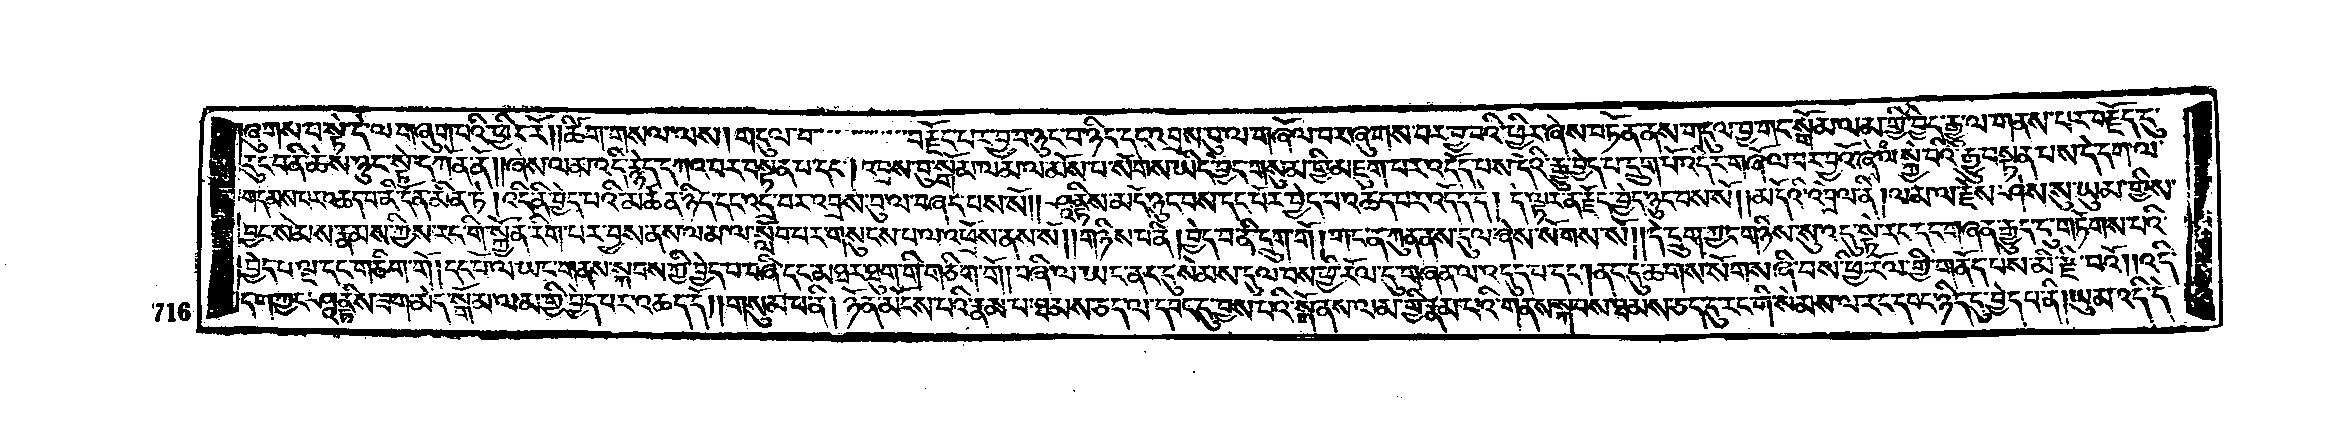ཞུགས་པ་སྟེ་དེ་ལ་གཞག་པའི་ཕྱིར་རོ། །ཚིག་གསལ་ལས། གདུལ་བ་བརྗོད་པར་བྱ་བ་ཉུང་བ་ཉིད་དང་འབྲས་བུ་ལ་གཞོལ་བར་ཞུགས་པར་བྱ་བའི་ཕྱིར་ཞས་བཏོན་ནས་གདུལ་བྱ་གང་སྒོམ་ལམ་གྱི་བྱེད་རྒྱུ་ལ་གནས་པར་བརྗོད་དུ་
རུང་བ་ནི་ཆེས་ཉུང་སྟེ་དཀོན་ནོ། །ཞེས་ལམ་འདི་རྙེད་དཀའ་བར་བསྟན་པ་དང་། འབྲས་བུ་སྒོམ་ལམ་ལ་མོས་པ་སོགས་ཡིད་བྱེད་གསུམ་གྱི་མཇུག་པར་འདོད་པས་དེའི་རྒྱུ་བྱེད་པ་དྲུག་པོ་འདིར་གཞལ་བར་བྱའོ་ཞེས་ལམ་སྐྱེ་བའི་རྒྱུ་བསྟན་པས་དེ་དག་ལ་
གདམས་པར་འཆད་པ་ནི་དོན་མིན་ཏེ། འདི་ནི་བྱེད་པའི་མཚན་ཉིད་དང་འདྲ་བར་འབྲས་བུ་ལ་བཞད་པས་སོ། །ཤཱནྟིས་མདོ་ཉུང་བས་དང་པོར་བྱེད་པ་འཆད་པར་འདོད་དེ། དེ་ལྟར་ན་རྗོད་བྱེད་ཉུང་བས་སོ། །མདོའི་འབྲེལ་ནི། ལམ་ལ་རྗེས་ཤེས་སུ་ཡུམ་གྱིས་
བྱང་སེམས་རྣམས་ཀྱིས་རང་གི་སྐྱོན་རིག་པར་བྱས་ནས་ལམ་ལ་སློབ་པར་གསུངས་པ་ལ་འཕྲོས་ནས་སོ། །གཉིས་པ་ནི། བྱེད་པ་ནི་དྲུག་གོ །གང་ན་ཀུན་ནས་དུལ་ཞེས་སོགས་སོ། །དེ་དྲུག་ཀྱང་གཉིས་སུ་འདུ་སྟེ་རང་དང་གཞན་རྒྱུད་དུ་གཏོགས་པའི་
བྱེད་པ་ལྔ་དང་གཅིག་གོ །དང་པོ་ལ་ཡང་གནས་སྐབས་ཀྱི་བྱེད་པ་བཞི་དང་མཐར་ཐུག་གི་གཅིག་གོ །བཞི་ལ་ཡང་ནང་དུ་སེམས་དུལ་བས་ཕྱི་རོལ་དུ་གཞན་ལ་འདུད་པ་དང་། ནང་དུ་ཆགས་སོགས་ཞི་བས་ཕྱི་རོལ་གྱི་གནོད་པས་མི་རྫི་བའོ། །འདི་
དག་ཀྱང་ཤཱནྟིས་ཟག་མེད་སྒོམ་ལམ་གྱི་བྱེད་པར་འཆད་དོ། །གསུམ་པ་ནི། ཉོན་མོངས་པའི་རྣམ་པ་ཐམས་ཅད་ལ་དབང་དུ་བྱས་པའི་སྒོ་ནས་ལམ་གྱི་རྣམ་པའི་གནས་སྐབས་ཐམས་ཅད་དུ་རང་གི་སེམས་ལ་རང་དབང་ཉིད་དུ་བྱེད་པ་ནི། ཡུམ་འདི་དེ་